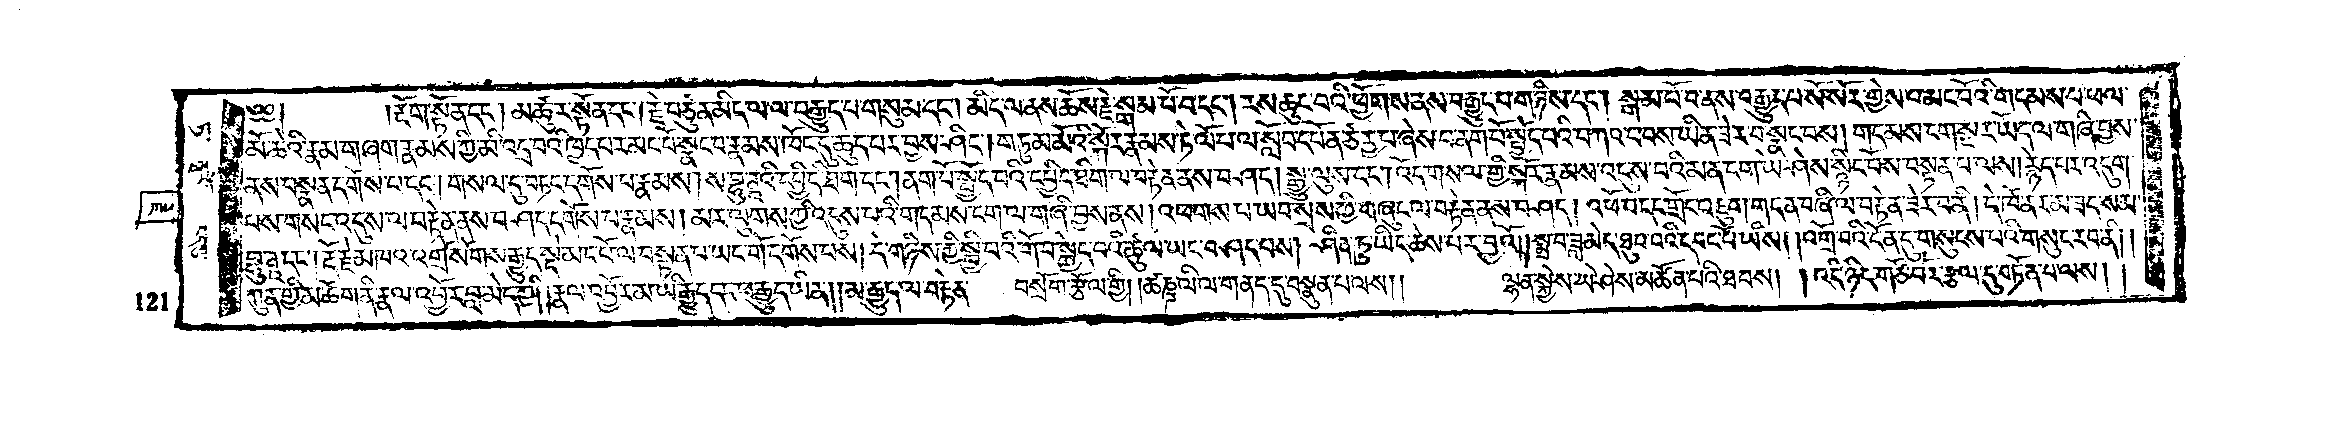༄༅། །རྔོག་སྟོན་དང་། མཚུར་སྟོན་དང་། རྗེ་བཙུན་མིད་ལ་ལ་བརྒྱུད་པ་གསུམ་དང་། མིད་ལ་ནས་ཆོས་རྗེ་སྒམ་པོ་བ་དང་། རས་ཆུང་བའི་ཕྱོགས་ནས་བརྒྱུད་པ་གཉིས་དང་། སྒམ་པོ་བ་ནས་བརྒྱུད་པ་སོ་སོར་གྱེས་པ་མང་པོའི་གདམས་པ་ཕལ་
མོ་ཆེའི་རྣམ་གཞག་རྣམས་ཀྱི་མི་འདྲ་བའི་ཁྱད་པར་མང་པོ་སྣང་བ་རྣམས་ཁོང་དུ་ཆུད་པར་བྱས་ཤིང་། གཏུམ་མོའི་སྐོར་རྣམས་ཏེ་ལོ་པ་ལ་སློབ་དཔོན་ཙརྱ་པ་ཞེས་པ་ནག་པོ་སྤྱོད་པའི་བཀའ་བབས་ཡིན་ཟེར་བ་སྣང་བས། གདམས་ངག་སྔར་ཡོད་ལ་གཞི་བྱས་
ནས་བསྣན་དགོས་པ་དང་། གསལ་དུ་བཏང་དགོས་པ་རྣམས། ས་བྷུ་ཊཱའི་དཔྱིད་ཐིག་དང་། ནག་པོ་སྤྱོད་པའི་དཔྱིད་ཐིག་ལ་བརྟེན་ནས་བཤད། སྒྱུ་ལུས་དང་། འོད་གསལ་གྱི་སྐོར་རྣམས་འདུས་པའི་མན་ངག་ཡེ་ཤེས་སྙིང་པོས་བསྟན་པ་ལས། རྙེད་པར་འདུག་
པས་གསང་འདུས་ལ་བརྟེན་ནས་བཤད་དགོས་པ་རྣམས། མར་ལུགས་ཀྱི་འདུས་པའི་གདམས་ངག་ལ་གཞི་བྱས་ནས། འཕགས་པ་ཡབ་སྲས་ཀྱི་གཞུང་ལ་བརྟེན་ནས་བཤད། འཕོ་བ་དང་གྲོང་འཇུག་གདན་བཞི་ལ་བརྟེན་ཟེར་བ་ནི། དེ་ཁོ་ནར་མ་ཟད་སམ་
བྷུ་ཊཱ་དང་། རྡོ་རྗེ་མཁའ་འགྲོ་སོགས་རྒྱུད་སྡེ་མང་པོ་ལ་བསྟན་པ་ཡང་གོ་དགོས་པས། དེ་གཉིས་ཀྱི་སྤྱི་པའི་གོ་བ་སྐྱེད་པའི་ཚུལ་ཡང་བཤད་པས། ཤིན་ཏུ་ཡིད་ཆེས་པར་བྱའོ། །སྤྲུལ་ཟླ་མེད་ཐུབ་པའི་དབང་པོ་ཡིས། །འགྲོ་བའི་དོན་དུ་གསུངས་པའི་གསུང་རབ་ནི། །
ཀུན་གྱི་མཆོག་ནི་རྣལ་འབྱོར་བླ་མེད་ཀྱི། །རྣལ་འབྱོར་མ་ཡི་རྒྱུད་དང་ཕ་རྒྱུད་ཡིན། །མ་རྒྱུད་ལ་བརྟེན་ཨ་ཐུ་སྲོག་རྩོལ་གྱི། །ཙཎྜ་ལི་ལ་གནད་དུ་བསྣུན་པ་ལས། །གཉུག་མ་ལྷན་སྐྱེས་ཡེ་ཤེས་མཚོན་པའི་ཐབས། །འདི་ཉིད་གཙོ་བོར་རྩལ་དུ་བཏོན་པ་ལས། །